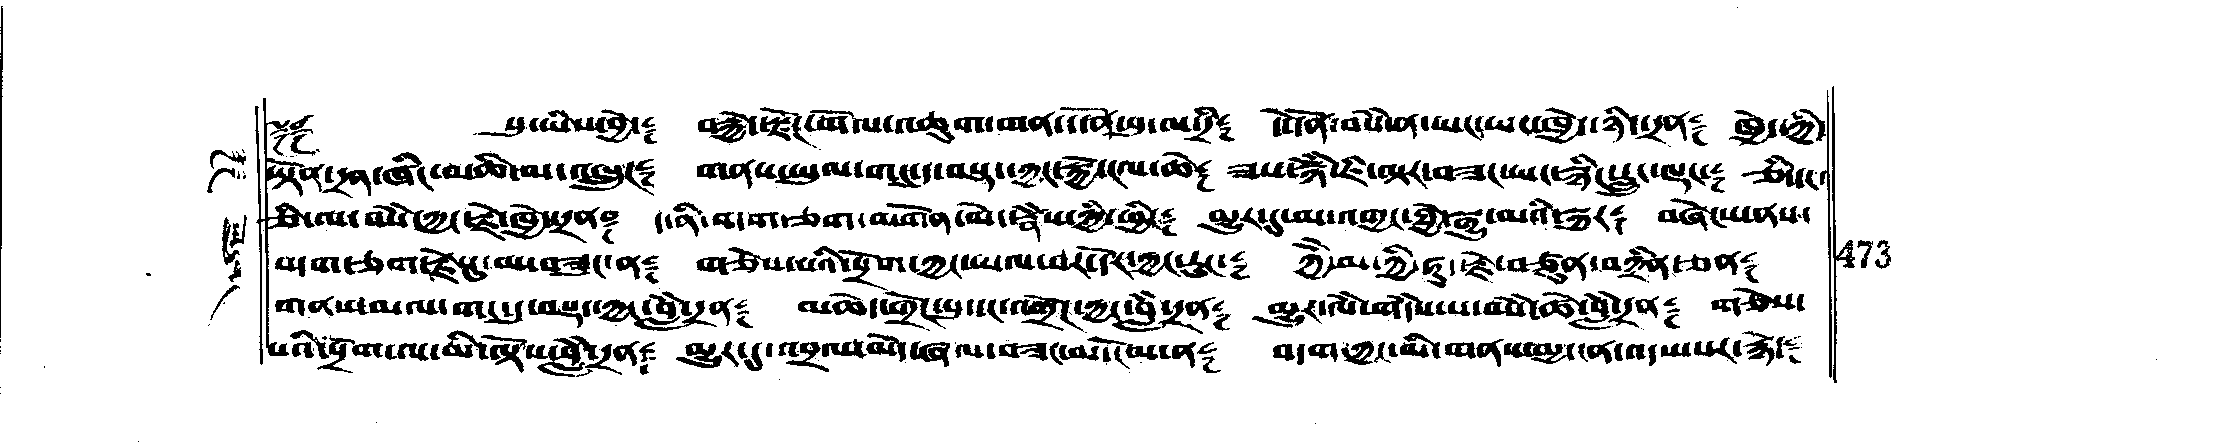སུ་ཡིས་བྱེད། །བསྐྱེད་རྫོགས་གོལ་འཆུག་གནད་དོན་སུ་ལ་དྲི། །དེ་དོན་བསམ་ན་ཡང་ཡང་ཁྱེད་ཉིད་དྲན།ཁྱེད་ཀྱི་
ཡོན་ཏན་དྲན་ཞིང་མཆི་མ་འཁྲུགས། །གནས་ཡུལ་གང་དུ་བསྡད་ཀྱང་སྐྱོ་ངལ་ཆེ། །ཟས་སྐོམ་ཇི་ལྟར་བཟང་ཡང་སྙིང་རླུང་ལྡང་། །ཅི་དང་
ཅི་ལ་བསམ་ཀྱང་རྗེ་ཁྱོད་དྲན། །ད་ནི་བདག་ཅག་མགོན་མེད་རྣམས་ཀྱི་ཕྱིར། །མྱུར་དུ་མ་འགྱང་ཐུགས་རྗེ་སྒྱུ་མའི་སྐུར། །བཞེངས་ནས་
་ཅག་རྗེས་སུ་མ་བཟུང་ན། །གཅེས་པའི་སྲོག་ཀྱང་ཡལ་བར་དོར་ཀྱང་རུང་། །ཀྱེ་མ་ཀྱི་ཧུད་རྗེ་བཙུན་བཀའ་དྲིན་ཅན། །
གནས་མལ་གང་དུ་བསྡད་ཀྱང་བླ་མ་དྲན། །མཆེད་གྲོགས་སུ་དང་འགྲོགས་ཀྱང་བླ་མ་དྲན། །མྱུར་ལམ་གདམས་པ་བསམ་ཚེ་བླ་མ་དྲན། །གཅེས་
པའི་སྲོག་ལ་མི་ལྟོས་བླ་མ་དྲན། །མྱུར་དུ་འབྲལ་མེད་ཞལ་བཟང་མ་ངོམ་ན། །བདག་ཀྱང་མི་གནས་མྱ་ངན་འདས་པར་རྙེད༼བར་སྙེད?༽།